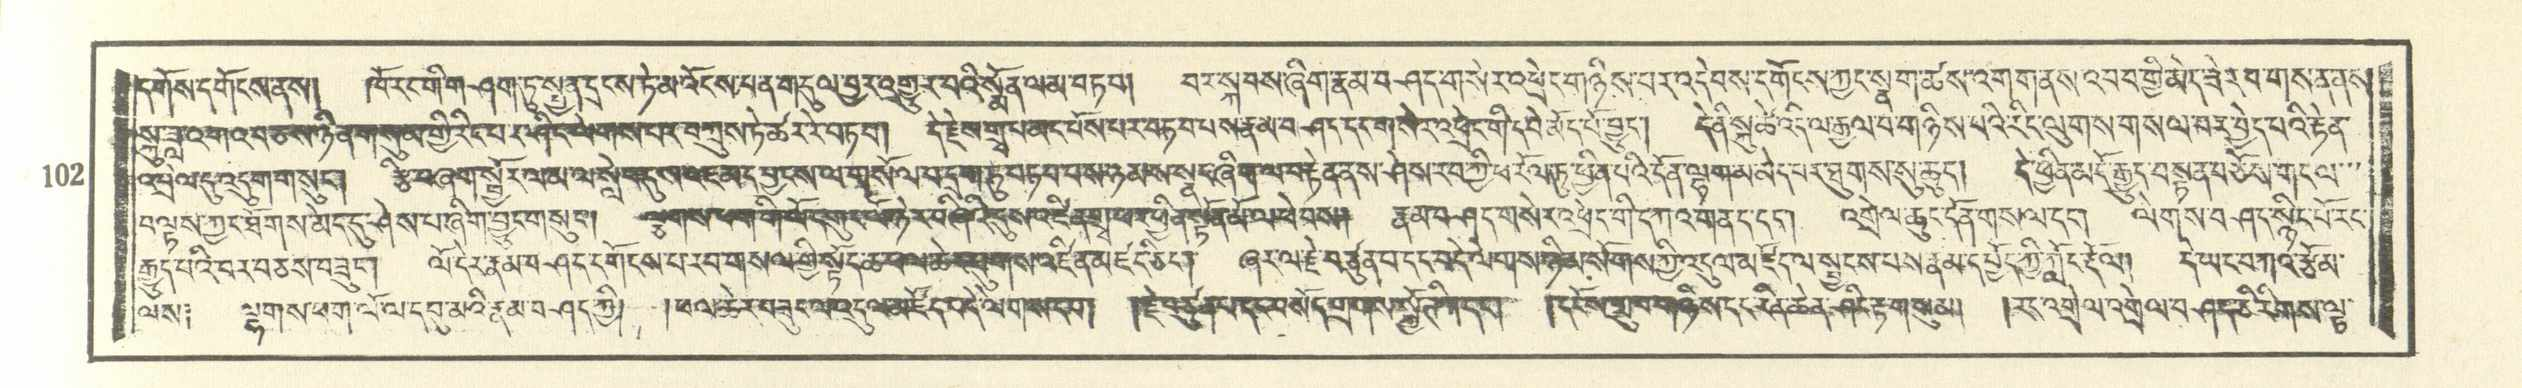དགོས་དགོངས་ནས། ཁོ་རང་གི་གཤག་ཏུ་སྤྱན་དྲངས་ཏེ་མ་འོངས་བ་ན་གདུལ་བྱར་འགྱུར་བའི་སྨོན་ལམ་བཏབ། བར་སྐབས་ཞིག་རྣམ་བཤད་གསེར་འཕྲེང་གཉིས་པར་འདེབས་དགོངས་ཀྱང་སྣག་ཚས་འགག་ནས་འབབ་གྱི་མེད་ཟེར་བ་གསན་ནས་
སྐུ་ཟླ་འགའ་བཅས་ཉི་ན་གསུམ་གྱི་རིང་པར་ཤིང་ལེགས་པར་བཀྲུས་ཏེ་ཚར་རེ་བཏབ། དེ་རྗེས་གྲྭ་པ་མང་པོས་པར་བཏབ་པས་རྣམ་བཤད་དང་གསེར་འཕྲེང་གི་དཔེ་མོད་པོ་བྱུང་། དེ་ནི་སྐུ་ཚེ་འདི་ལ་རྒྱལ་བ་གཉིས་པའི་རིང་ལུགས་གསལ་བར་བྱེད་པའི་རྟེན་
འབྲེལ་དུ་འདུག་གསུང་། རྩི་བཞག་སྦྱོར་ལམ་ལ་སླེབ་དུ་ས་འཇམ་དབྱངས་ལ་གསོལ་བ་དྲག་ཏུ་བཏབ་པས་ཉམས་སྣང་ཞིག་ལ་བརྟེན་ནས་ཤེས་རབ་ཀྱི་ཕ་རོལ་ཏུ་ཕྱིན་པའི་དོན་ལྷག་མ་མེད་པར་ཐུགས་སུ་ཆུད། དེ་ཕྱིན་མདོ་རྒྱུད་བསྟན་བཅོས་གང་ལ་
བལྟས་ཀྱང་ཐོགས་མེད་དུ་ཤེས་པ་ཞིག་བྱུང་གསུང་། ལྕགས་ཕག་གི་ལོ་དགུང་ལོ་ཉེར་བཞིའི་དུས་འཛིན་གྲྭ་ཕར་ཕྱིན་སྟོན་མོ་ལ་ཕེབས། རྣམ་བཤད་གསེར་འཕྲེང་གི་དཀའ་གནད་དང་། འགྲེལ་ཆུང་དོན་གསལ་དང་། ལེགས་བཤད་སྙིང་པོ་རང་
རྒྱུད་པའི་བར་བཅས་གཟུང་། ལོ་དེར་རྣམ་བཤད་དགོངས་པ་རབ་གསལ་གྱི་སྟོད་ཆ་ཕལ་ཆེར་ཐུགས་འཛིན་མཛད་ཅིང་། ཞར་ལ་རྗེ་བཙུན་པ་དང་བདེ་ལེགས་ཉི་མ་སོགས་ཀྱི་འདུལ་མཛོད་ལ་སྦྱངས་པས་རྣམ་དཔྱོད་ཀྱི་ཀློང་རྡོལ། དེ་ཡང་བཀའ་རྩོམ་
ལས༑ ལྕགས་ཕག་ལོ་ལ་དབུ་མའི་རྣམ་བཤད་ཀྱི། །ཕལ་ཆེར་བཟུང་ལ་འདུལ་མཛོད་བདེ་ལེགས་དང་། །རྗེ་བཙུན་པ་དང་བསོད་གྲགས་སྐྱོ་ཊིཀ་དང་། །དངོས་གྲུབ་གཉིས་དང་རིན་ཆེན་ཤིང་རྟ་གསུམ། །རང་འགྲེལ་འགྲེལ་བཤད་ཅི་རིགས་ལྟ་